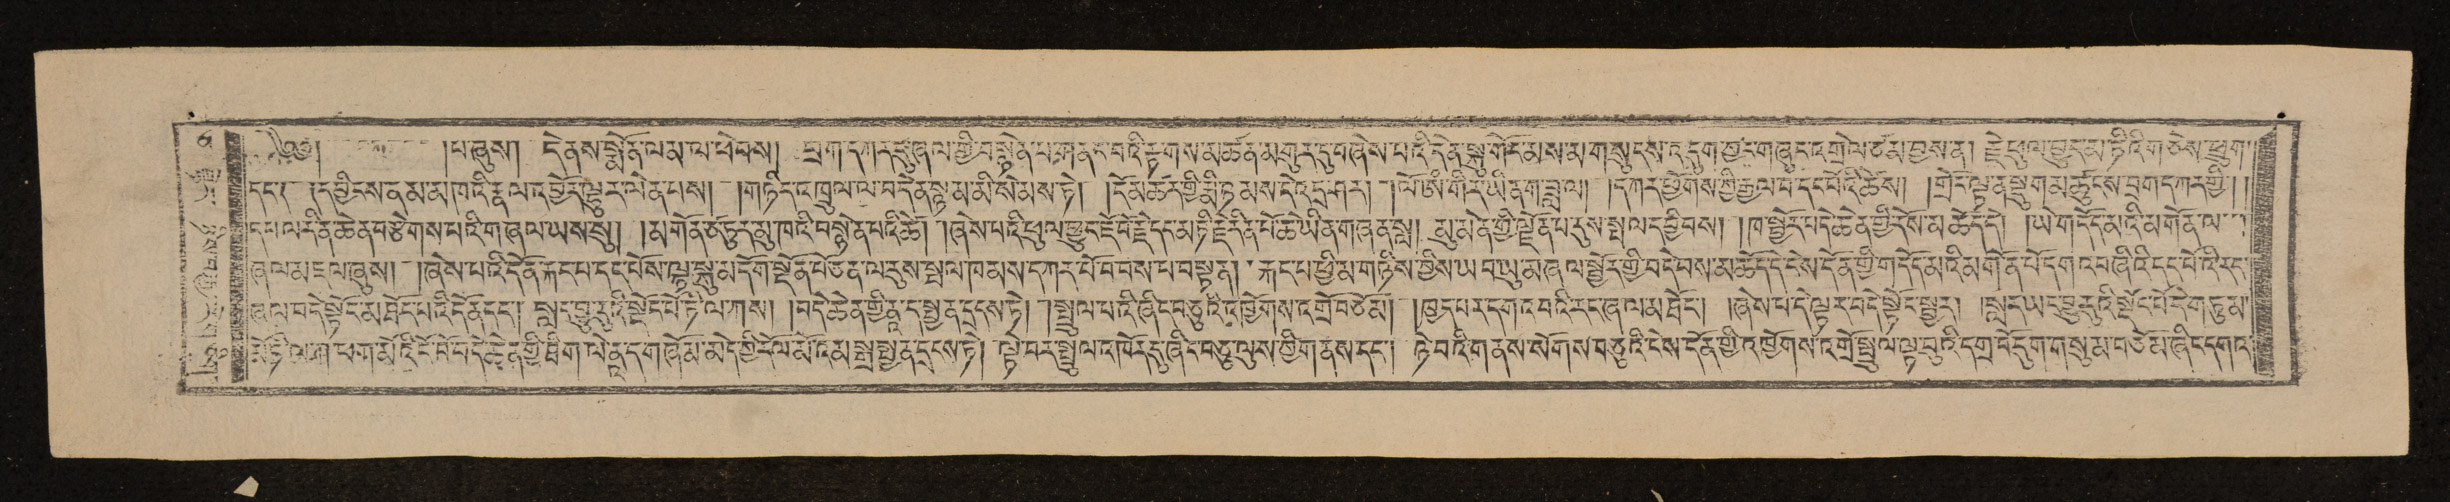༄༅། །པ་ཞུས། དེ་ནས་སྨོན་ལམ་ལ་ཕེབས། བྲག་དཀར་དུ་ཞལ་གྱི་བསྙེན་པ་གནང་བའི་རྟགས་མཚན་མ་གུར་དུ་བཞེས་པའི་དེ་ན་སྐུ་གོང་མས་མ་གསུངས་འདུག་ཀྱང་གཞུང་འགྲེལ་ཙམ་བྱས་ན། རྗེ་ཕུལ་བྱུང་མ་ཏིའི་གཅེས་ཕྲུག་
དང༑ ༑དབྱིངས་ནམ་མཁའི་རྣལ་འབྱོར་ལྷུར་ལེན་པས། །གཉིད་འཁྲུལ་ལ་བདེན་སྙམ་མི་སེམས་ཏེ། །ངོ་མཚར་གྱི་རྨི་ཉམས་དེ་འདྲ་ཤར། །ལོ་ཨཾ་གིར་ཡི་ནག་ཟླ་ལ། །དཀར་ཕྱོགས་ཀྱི་རྒྱལ་བ་དང་པོའི་ཚེས། །གྲོང་ལྟ་ན་སྡུག་མཚུངས་བྲག་དཀར་གྱི། །
དཔལ་རིན་ཆེན་བརྩེགས་པའི་གཞལ་ཡས་སུ། །མགོན་ཙ་ཏུར་མུ་ཁའི་བསྙེན་པའི་ཚེ། །ཞེས་པའི་ཕུལ་བྱུང་ཇོ་བོ་རྗེ་དང་མ་ཏི་རྗེ་རིན་པོ་ཆ་ཡིན་གཞན་སླ། མུ་མེན་གྱི་ལྗོན་པ་རུས་སྦལ་དབྱིབས། །ཁ་སྦྱོར་བདེ་ཆེན་གྱི་ངོས་མཆོད་དེ། །ཡེ་གདོང་མའི་མགོན་ལ་
ཞལ་མཇལ་ཞུས། །ཞེས་པའི་དོན་རྐང་པ་དང་པོས་ལྷ་སྐུ་མདོག་སྔོན་པོ་ཅན་ལ་རུས་སྦལ་ཁམས་དཀར་པོ་བབས་པ་བསྟན། རྐང་པ་ཕྱི་མ་གཉིས་ཀྱིས་ཡབ་ཡུམ་ཞལ་སྦྱོར་གྱི་བདེ་བས་མཆོད་དེ་ངེས་དོན་གྱི་གདོང་མའི་མགོན་པོ་དགའ་བཞིའི་དང་པོའི་རང་
ཞལ་བདེ་སྟོང་མཐོང་བའི་དོན་དང་། སླར་བྱུ་རུའི་སྡོང་པོ་ཏི་ལ་ཀས། །བདེ་ཆེན་གྱི་ནཱ་ད་སྤྱན་དྲངས་ཏེ། །སྤྲུལ་པའི་ཞིང་བཅུའི་འཁྱོགས་འགྲོ་བཅོམ། །ཁྱད་པར་དགའ་བའི་རང་ཞལ་མཐོང་། །ཞེས་པ་དེ་ལྟར་བདེ་སྟོང་སྦྱར། སླར་ཡང་བྱུ་རུའི་སྡོང་པོ་དེ་གཏུམ་
མོ་ཏི་ལ་ཀ་ཕག་མོའི་ངོ་བོ་བདེ་ཆེན་གྱི་ཐིག་ལེ་ནཱ་ད་གཞོམ་མེད་ཀྱི་རོལ་མོ་འམ་སྒྲ་སྤྱན་དྲངས་ཏེ། ལྟེ་བར་སྤྲུལ་འཁོར་དུ་ཞིང་བཅུ་ལུས་ཀྱི་གནས་དང་། ཉེ་བའི་གནས་སོགས་བཅུའི་ངེས་དོན་གྱི་འཁྱོགས་འགྲོ་སྦྲུལ་ལྟ་བུའི་དགྲ་བོ་དུག་གསུམ་བཅོམ་ཞིང་དགའ་